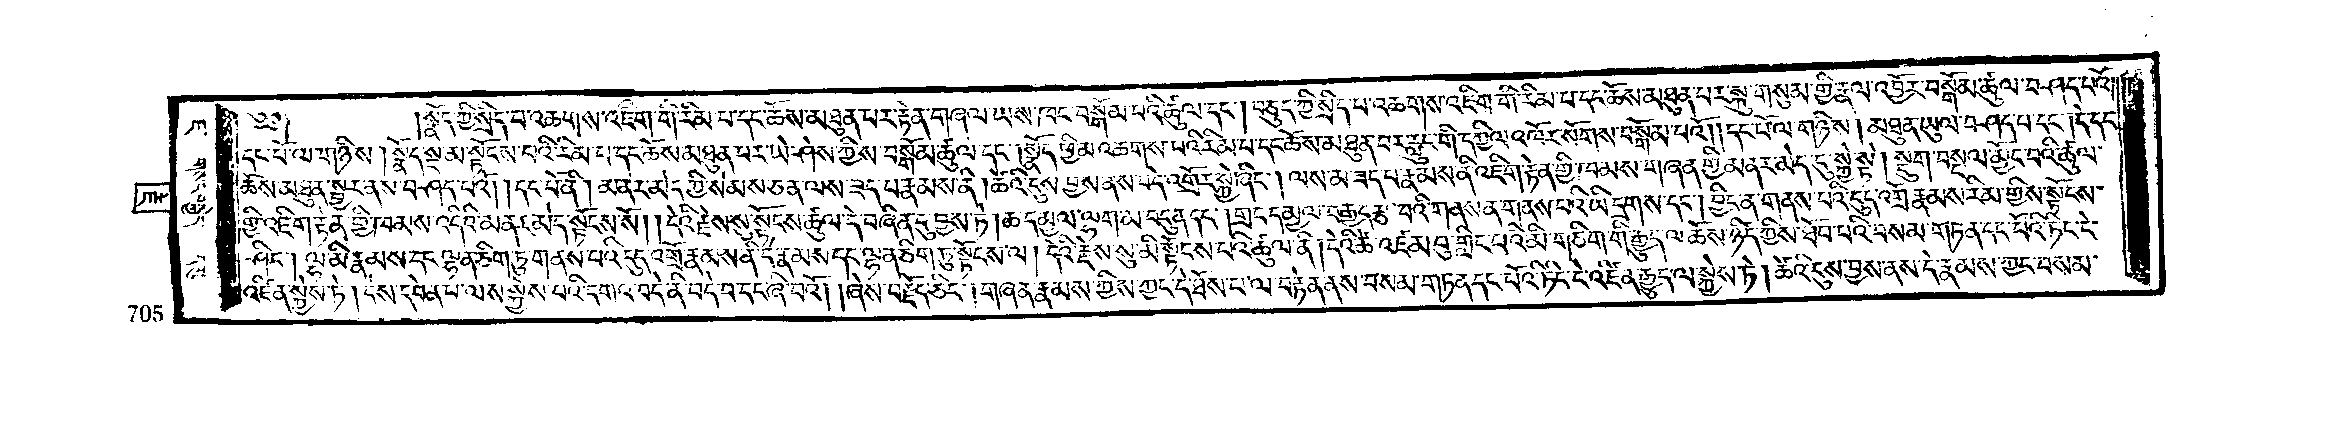༄༅། །སྣོད་ཀྱི་སྲིད་པ་འཆགས་འཇིག་གི་རིམ་པ་དང་ཆེས་མཐུན་པར་རྟེན་གཞལ་ཡས་ཁང་བསྒམ་པའི་ཚུལ་དང་། བཅུད་ཀྱི་སྲིད་པ་འཆགས་འཇིག་གི་རིམ་པ་དང་ཆོས་མཐུན་པར་སྐུ་གསུམ་གྱི་རྣལ་འབྱོར་བསྒོམ་ཚུལ་བཤད་པའོ།།
དང་པོ་ལ་གཉིས། སྣོད་སྔ་མ་སྟོངས་པའི་རིམ་པ་དང་ཆོས་མཐུན་པར་ཡེ་ཤེས་ཀྱིས་བསྒོམ་ཚུལ་དང་། སྣོད་ཕྱི་མ་འཆགས་པའི་རིམ་པ་དང་ཆོས་མཐུན་པར་རླུང་གི་དཀྱིལ་འཁོར་སོགས་བསྒོམ་པའི། །དང་པོ་ལ་གཉིས། མཐུན་ཡུལ་བཤད་པ་དང་། དེ་དང་
ཆོས་མཐུན་སྦྱར་ནས་བཤད་པའོ། །དང་པོ་ནི། མནར་མེད་ཀྱི་སེམས་ཅན་ལས་ཟད་པ་རྣམས་ནི། ཚེའི་དུས་བྱས་ནས་བདེ་འགྲོར་སྐྱེ་ཞིང་། ལས་མ་ཟད་པ་རྣམས་ནི་འཇིག་རྟེན་གྱི་ཁམས་གཞན་གྱི་མནར་མེད་དུ་སྐྱེ་སྟེ། སྡུག་བསྔལ་མྱོང་བའི་ཚུལ་
གྱི་འཇིག་རྟེན་གྱི་ཁམས་འདིའི་མནར་མེད་སྟོངས་སོ། །དེའི་རྗེས་སུ་སྟོངས་ཚུལ་དེ་བཞིན་དུ་བྱས་ཏེ། ཆ་དམྱལ་ལྷག་མ་བདུན་དང་། གྲང་དམྱལ་བརྒྱད་རྩ་བའི་གནས་ན་གནས་པའི་ཡི་དྭགས་དང་། བྱིང་ན་གནས་པའི་དུད་འགྲོ་རྣམས་རིམ་གྱིས་སྟོངས་
ཤིང་། ལྷ་མི་རྣམས་དང་ལྷན་ཅིག་ཏུ་གནས་པའི་དུད་འགྲོ་རྣམས་ནི་དེ་རྣམས་དང་ལྷན་ཅིག་ཏུ་སྟོངས་ལ། དེའི་རྗེས་སུ་མི་སྟོངས་པའི་ཚུལ་ནི། དེའི་ཚེ་འཛམ་བུ་གླིང་པའི་མི་གཅིག་གི་རྒྱུད་ལ་ཆོས་ཉིད་ཀྱིས་ཐོབ་པའི་བསམ་གཏན་དང་པོའི་ཏིང་ངེ་
འཛིན་སྐྱེས་ཏེ། དེས་དབེན་པ་ལས་སྐྱེས་པའི་དགའ་བདེ་ནི་བདེ་བ་དང་ཞི་པའོ། །ཞེས་བརྗོད་ཅིང་། གཞན་རྣམས་ཀྱིས་ཀྱང་དེ་ཐོས་པ་ལ་བརྟེན་ནས་བསམ་གཏན་དང་པོའི་ཏིང་ངེ་འཛིན་རྒྱུད་ལ་སྐྱེས་ཏེ། ཚེའི་དུས་བྱས་ནས་དེ་རྣམས་ཀྱང་བསམ་